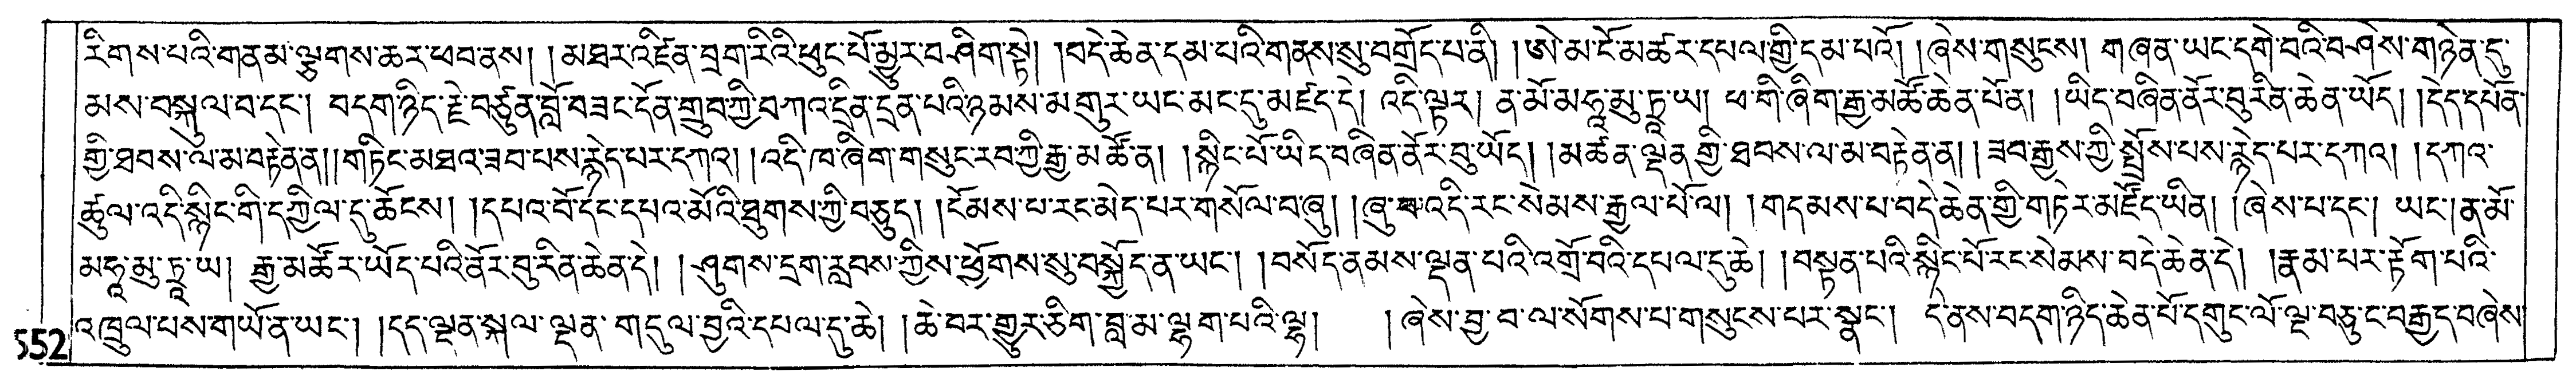རིགས་པའི་གནམ་ལྕགས་ཆར་ཕབ་ནས། །མཐར་འཛིན་བྲག་རིའི་ཕུང་པོ་མྱུར་བཤིག་སྟེ། །བདེ་ཆེན་དམ་པའི་གནས་སུ་བགྲོད་པ་ནི། །ཨེ་མ་ངོ་མཚར་དཔལ་གྱི་དམ་པའོ། །ཞེས་གསུངས། གཞན་ཡང་དགེ་བའི་བཤེས་གཉེན་དུ་
མས་བསྐུལ་བ་དང་། བདག་ཉིད་རྗེ་བཙུན་བློ་བཟང་དོན་གྲུབ་ཀྱི་བཀའ་དྲིན་དྲན་པའི་ཉམས་མགུར་ཡང་མང་དུ་མཛད་དེ། འདི་ལྟར། ན་མོ་མཧཱ་མུ་ཏྲཱ་ཡ། ཕ་གི་ཞིག་རྒྱ་མཚོ་ཆེན་པོ་ན། །ཡིད་བཞིན་ནོར་བུ་རིན་ཆེན་ཡོད། །དེད་དཔོན་
གྱི་ཐབས་ལ་མ་བརྟེན་ན། །གཏིང་མཐའ་ཟབ་པས་རྙེད་པར་དཀའ། །འདི་ཁ་ཞིག་གསུང་རབ་ཀྱི་རྒྱ་མཚོ་ན། །སྙིང་པོ་ཡིད་བཞིན་ནོར་བུ་ཡོད། །མཚན་ལྡན་གྱི་ཐབས་ལ་མ་བརྟེན་ན། །ཟབ་རྒྱས་ཀྱི་སྤྲོས་པས་རྙེད་པར་དཀའ། །དཀའ་
ཚུལ་འདི་སྙིང་གི་དཀྱིལ་དུ་ཆོངས། །དཔའ་བོ་དང་དཔའ་མོའི་ཐུགས་ཀྱི་བཅུད། །ངོམས་པ་རང་མེད་པར་གསོལ་བ་ཞུ། །ཞུ་བ་འདི་རང་སེམས་རྒྱལ་པོ་ལ། །གདམས་པ་བདེ་ཆེན་གྱི་གཏེར་མཛོད་ཡིན། །ཞེས་པ་དང་། ཡང་། ན་མོ་
མཧཱ་མུ་ཏྲཱ་ཡ། རྒྱ་མཚོར་ཡོད་པའི་ནོར་བུ་རིན་ཆེན་དེ། །ཤུགས་དྲག་རླབས་ཀྱིས་ཕྱོགས་སུ་བསྐྱོད་ན་ཡང་། །བསོད་ནམས་ལྡན་པའི་འགྲོ་བའི་དཔལ་དུ་ཆེ། །བསྟན་པའི་སྙིང་པོ་རང་སེམས་བདེ་ཆེན་དེ། །རྣམ་པར་རྟོག་པའི་
འཁྲུལ་པས་གཡོ་ན་ཡང་། །དད་ལྡན་སྐལ་ལྡན་གདུལ་བྱའི་དཔལ་དུ་ཆེ། །ཆེ་བར་གྱུར་ཅིག་བླ་མ་ལྷག་པའི་ལྷ། །ཞེས་བྱ་བ་ལ་སོགས་པ་གསུངས་པར་སྣང་། དེ་ནས་བདག་ཉིད་ཆེན་པོ་དགུང་ལོ་ལྔ་བཅུ་ང་བརྒྱད་བཞེས་